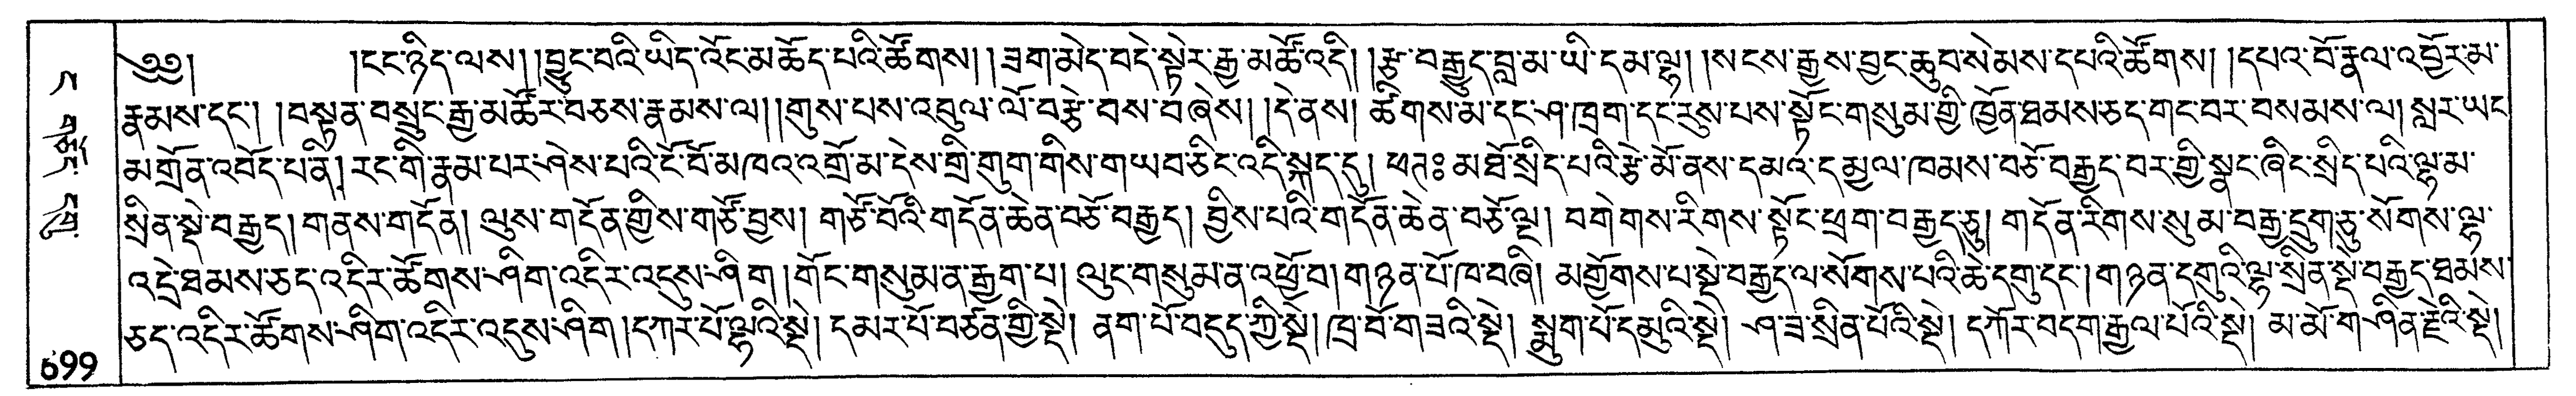༄༅། །ངང་ཉིད་ལས། །བྱུང་བའི་ཡིད་འོང་མཆོད་པའི་ཚོགས། །ཟག་མེད་བདེ་སྟེར་རྒྱ་མཚོ་འདི། །རྩ་བརྒྱུད་བླ་མ་ཡི་དམ་ལྷ། །སངས་རྒྱས་བྱང་ཆུབ་སེམས་དཔའི་ཚོགས། །དཔའ་བོ་རྣལ་འབྱོར་མ་
རྣམས་དང་། །བསྟན་བསྲུང་རྒྱ་མཚོར་བཅས་རྣམས་ལ། །གུས་པས་འབུལ་ལོ་བརྩེ་བས་བཞེས། །དེ་ནས། ཚིགས་མ་དང་ཤ་ཁྲག་དང་རུས་པས་སྟོང་གསུམ་གྱི་ཁྱོན་ཐམས་ཅད་གང་བར་བསམས་ལ། སླར་ཡང་
མགྲོན་འབོད་པ་ནི། རང་གི་རྣམ་པར་ཤེས་པའི་ངོ་བོ་མཁའ་འགྲོ་མ་དེས་གྲི་གུག་གིས་གཡབ་ཅིང་འདི་སྐད་དུ། ཕཊཿ མཐོ་སྲིད་པའི་རྩེ་མོ་ནས་དམའ་དམྱལ་ཁམས་བཅོ་བརྒྱད་བར་གྱི་སྣང་ཞིང་སྲིད་པའི་ལྷ་མ་
སྲིན་སྡེ་བརྒྱད། གནས་གདོན། ལུས་གདོན་གྱིས་གཙོ་བྱས། གཙོ་བོའི་གདོན་ཆེན་བཅོ་བརྒྱད། བྱིས་པའི་གདོན་ཆེན་བཅོ་ལྔ། བགེགས་རིགས་སྟོང་ཕྲག་བརྒྱད་ཅུ། གདོན་རིགས་སུམ་བརྒྱ་དྲུག་ཅུ་སོགས་ལྷ་
འདྲེ་ཐམས་ཅད་འདིར་ཚོགས་ཤིག་འདིར་འདུས་ཤིག །གོང་གསུམ་ན་རྒྱག་པ། ལུང་གསུམ་ན་འཕྱོ་བ། གཉན་པོ་ཁ་བཞི། མགྱོགས་པ་སྡེ་བརྒྱད་ལ་སོགས་པའི་ཆེ་དགུ་དང་། གཉན་དགུའི་ལྷ་སྲིན་སྡེ་བརྒྱད་ཐམས་
ཅད་འདིར་ཚོགས་ཤིག་འདིར་འདུས་ཤིག །དཀར་པོ་ལྷའི་སྡེ། དམར་པོ་བཙན་གྱི་སྡེ། ནག་པོ་བདུད་ཀྱི་སྡེ། ཁྲ་བོ་གཟའི་སྡེ། སྨུག་པོ་དམུའི་སྡེ། ཤ་ཟ་སྲིན་པོའི་སྡེ། དཀོར་བདག་རྒྱལ་པོའི་སྡེ། མ་མོ་གཤིན་རྗེའི་སྡེ།